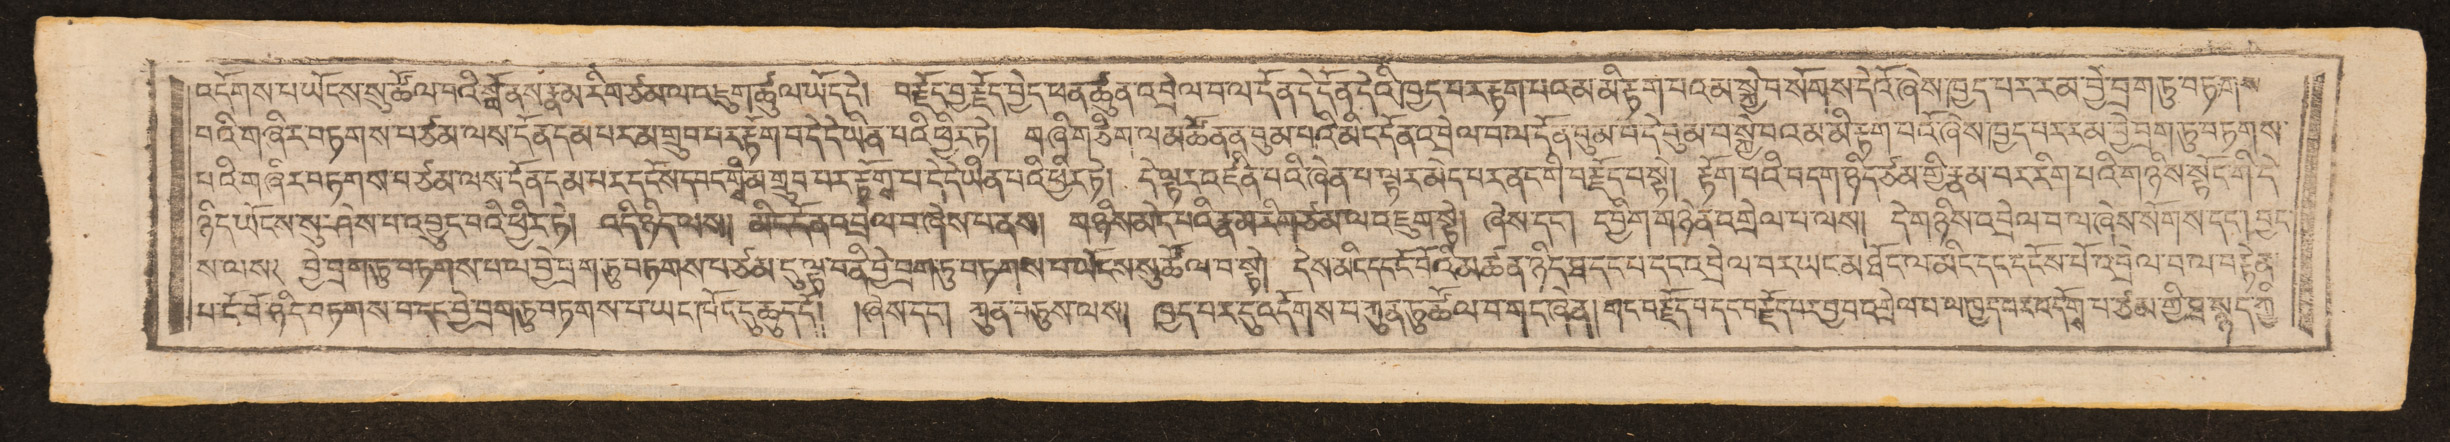འདོགས་པ་ཡོངས་སུ་ཚོལ་བའི་སྒོ་ནས་རྣམ་རིག་ཙམ་ལ་འཇུག་ཚུལ་ཡོད་དེ། བརྗོད་བྱ་རྗོད་བྱེད་ཕན་ཚུན་འབྲེལ་བ་ལ་དོན་དེ་དོན་དེའི་ཁྱད་པར་རྟག་པའམ་མི་རྟག་པའམ་སྐྱེ་བ་སོགས་དེའོ་ཞེས་ཁྱད་པར་རམ་བྱེ་བྲག་ཏུ་བཏགས་
པའི་གཞིར་བཏགས་པ་ཙམ་ལས་དོན་དམ་པར་མ་གྲུབ་པར་རྟོག་པ་དེ་དེ་ཡིན་པའི་ཕྱིར་ཏེ། གཞི་གཅིག་ལ་མཚོན་ན་བུམ་པའི་མིང་དོན་འབྲེལ་བ་ལ་དོན་བུམ་པ་དེ་བུམ་པ་སྐྱེ་བ་འམ་མི་རྟག་པའོ་ཞེས་ཁྱད་པར་རམ་བྱེ་བྲག་ཏུ་བཏགས་
པའི་གཞིར་བཏགས་པ་ཙམ་ལས་དོན་དམ་པར་དངོས་དབང་གིས་མ་གྲུབ་པར་རྟོགས་པ་དེ་དེ་ཡིན་པའི་ཕྱིར་ཏེ། དེ་ལྟར་འཛིན་པའི་ཞེན་པ་ལྟར་མེད་པར་ནང་གི་བརྗོད་པ་སྟེ། རྟོག་པའི་བདག་ཉིད་ཙམ་གྱི་རྣམ་པར་རིག་པའི་གཉིས་སྟོང་གི་དེ་
ཉིད་ཡོངས་སུ་ཤེས་པ་འབྱུང་བའི་ཕྱིར་ཏེ། འདི་ཉིད་ལས། མིང་དོན་འབྲེལ་བ་ཞེས་པ་ནས། གཉིས་མེད་པའི་རྣམ་རིག་ཙམ་ལ་འཇུག་སྟེ། ཞེས་དང་། དབྱིག་གཉེན་འགྲེལ་པ་ལས། དེ་གཉིས་འབྲེལ་བ་ལ་ཞེས་སོགས་དང་། བྱང་
ས་ལས༑ བྱེ་བྲག་ཏུ་བཏགས་པ་ལ་བྱེ་བྲག་ཏུ་བཏགས་པ་ཙམ་དུ་ལྟ་བ་ནི་བྱེ་བྲག་ཏུ་བཏགས་པ་ཡོངས་སུ་ཚོལ་བ་སྟེ། དེས་མིང་དང་ངོ་བོའི་མཚན་ཉིད་ཐ་དད་པ་དང་འབྲེལ་བར་ཡང་མཐོང་ལ་མིང་དང་དངོས་པོ་འབྲལ་བ་ལ་བརྟེན་
པ་ངོ་བོ་ཉིད་བཏགས་པ་དང་བྱེ་བྲག་ཏུ་བཏགས་པ་ཡང་ཁོང་དུ་ཆུད་དོ། །ཞེས་དང་། ཀུན་བཏུས་ལས། ཁྱད་པར་དུ་འདོགས་པ་ཀུན་ཏུ་ཚོལ་བ་གང་ཞེ་ན། གང་བརྗོད་པ་དང་བརྗོད་པར་བྱ་བ་འགྲེལ་པ་ལ་ཁྱད་པར་འདོགས་པ་ཙམ་གྱི་ཐ་སྙད་ཀྱི་